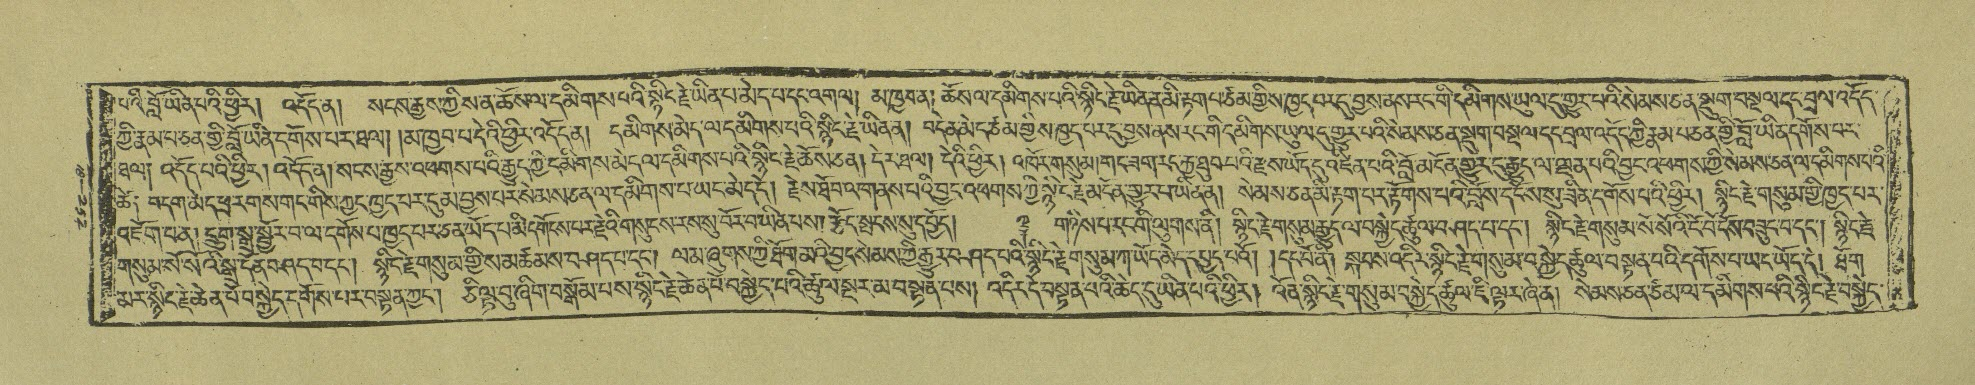པའི་བློ་ཡིན་པའི་ཕྱིར། འདོད་ན། སངས་རྒྱས་ཀྱི་ས་ན་ཆོས་ལ་དམིགས་པའི་སྙིང་རྗེ་ཡིན་པ་མེད་པ་དང་འགལ། མ་ཁྱབ་ན། ཆོས་ལ་དམིགས་པའི་སྙིང་རྗེ་ཡིན་ན་མི་རྟག་པ་ཙམ་གྱིས་ཁྱད་པར་དུ་བྱས་ནས་རང་གི་དམིགས་ཡུལ་དུ་གྱུར་པའི་སེམས་ཅན་སྡུག་བསྔལ་དང་བྲལ་འདོད་
ཀྱི་རྣམ་པ་ཅན་གྱི་བློ་ཡིན་དགོས་པར་ཐལ། །མ་ཁྱབ་པ་དེའི་ཕྱིར་འདོད་ན། དམིགས་མེད་ལ་དམིགས་པའི་སྙིང་རྗེ་ཡིན་ན། བདེན་མེད་ཙམ་གྱིས་ཁྱད་པར་དུ་བྱས་ནས་རང་གི་དམིགས་ཡུལ་དུ་གྱུར་པའི་སེམས་ཅན་སྡུག་བསྔལ་དང་བྲལ་འདོད་ཀྱི་རྣམ་པ་ཅན་གྱི་བློ་ཡིན་དགོས་པར་
ཐལ། འདོད་པའི་ཕྱིར། འདོད་ན། སངས་རྒྱས་འཕགས་པའི་རྒྱུད་ཀྱི་དམིགས་མེད་ལ་དམིགས་པའི་སྙིང་རྗེ་ཆོས་ཅན། དེར་ཐལ། དེའི་ཕྱིར། འཁོར་གསུམ། གང་ཟག་རང་རྐྱ་ཐུབ་པའི་རྫས་ཡོད་དུ་འཛིན་པའི་བློ་མངོན་གྱུར་དུ་རྒྱུད་ལ་ལྡན་པའི་བྱང་འཕགས་ཀྱི་སེམས་ཅན་ལ་དམིགས་པའི་
ཚེ། བདག་མེད་ཕྲ་རགས་གང་གིས་ཀྱང་ཁྱད་པར་དུ་མ་བྱས་པར་སེམས་ཅན་ལ་དམིགས་པ་ཡང་མེད་དེ། རྗེས་ཐོབ་ལ་གནས་པའི་བྱང་འཕགས་ཀྱི་སྙིང་རྗེ་མངོན་གྱུར་པ་ཡིན་ན། སེམས་ཅན་མི་རྟག་པར་རྟོགས་པའི་བློས་དངོས་སུ་ཟིན་དགོས་པའི་ཕྱིར། སྙིང་རྗེ་གསུམ་གྱི་ཁྱད་པར་
འཇོག་པ་ན། དྲུག་སྒྲ་སྦྱོར་བ་ལ་དགོས་པ་ཁྱད་པར་ཅན་ཡོད་པ་མི་དགོངས་པར་རྗེའི་གསུངས་རས་སུ་བོར་བ་ཡིན་པས། རྩོད་སྤངས་སུ་དཔྱོད། ༈ གཉིས་པ་རང་གི་ལུགས་ནི། སྙིང་རྗེ་གསུམ་རྒྱུད་ལ་བསྐྱེད་ཚུལ་བཤད་པ་དང་། སྙིང་རྗེ་གསུམ་སོ་སོའི་ངོ་བོ་ངོས་བཟུང་བ་དང་། སྙིང་རྗེ་
གསུམ་སོ་སོའི་སྒྲ་དོན་བཤད་པ་དང་། སྙིང་རྗེ་གསུམ་གྱི་མཚམས་བཤད་པ་དང་། ལམ་ཞུགས་ཀྱི་ཐོག་མའི་བྱང་སེམས་ཀྱི་རྒྱུར་བཤད་པའི་སྙིང་རྗེ་གསུམ་ཀ་ཡོད་མེད་དཔྱད་པའོ། །དང་པོ་ནི། སྐབས་འདིར་སྙིང་རྗེ་གསུམ་པ་བསྐྱེད་ཚུལ་བསྟན་པའི་དགོས་པ་ཡང་ཡོད་དེ། ཐོག་
མར་སྙིང་རྗེ་ཆེན་པོ་བསྐྱེད་དགོས་པར་བསྟན་ཀྱང་། ཅི་ལྟ་བུ་ཞིག་བསྒོམ་པས་སྙིང་རྗེ་ཆེན་པོ་བསྐྱེད་པའི་ཚུལ་སྔར་མ་བསྟན་པས། འདིར་དེ་བསྟན་པའི་ཆེད་དུ་ཡིན་པའི་ཕྱིར། འོ་ན་སྙིང་རྗེ་གསུམ་བསྐྱེད་ཚུལ་ཇི་ལྟར་ཞེ་ན། སེམས་ཅན་ཙམ་ལ་དམིགས་པའི་སྙིང་རྗེ་བསྐྱེད་